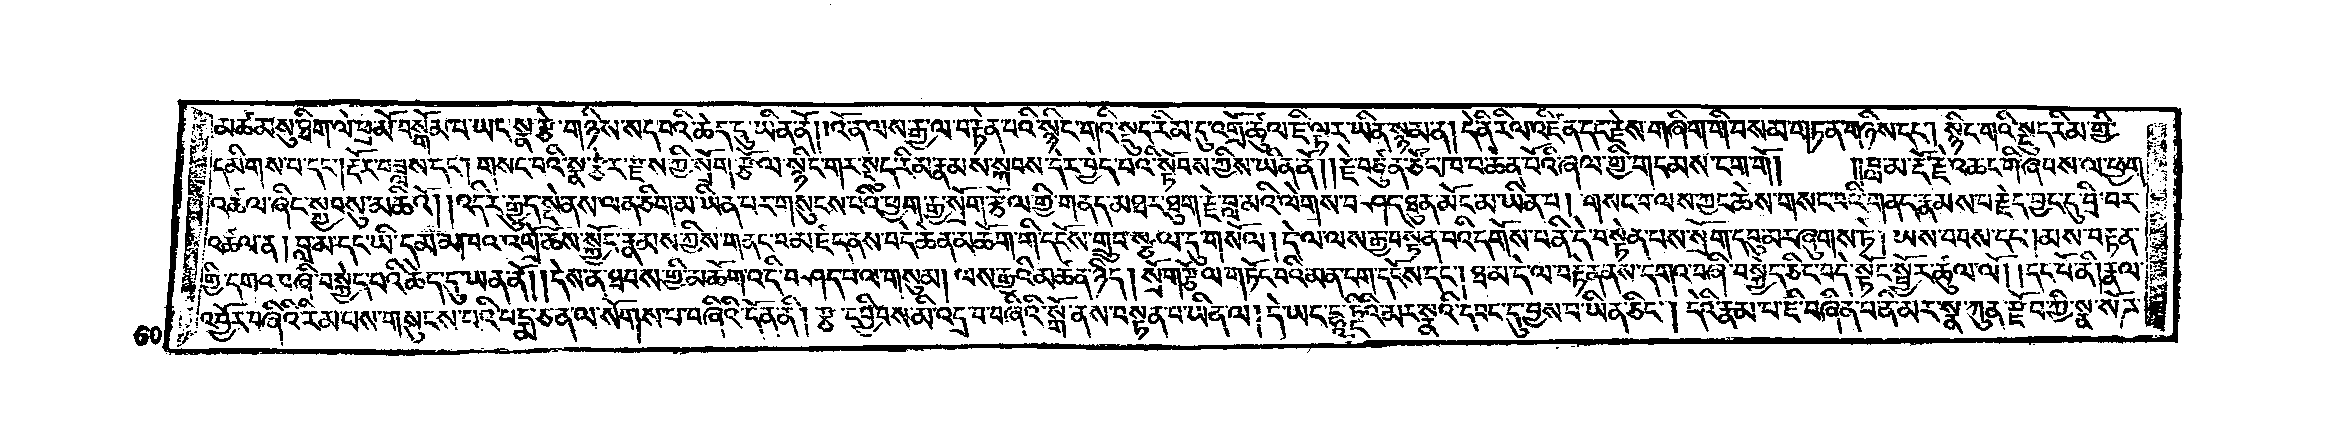མཚམས་སུ་ཐིག་ལེ་ཕྲ་མོ་བསྒོམ་བ་ཡང་སྣ་རྩེ་གཉིས་སད་བའི་ཆེད་དུ་ཡིན་ནོ། །འོ་ན་ལས་རྒྱ་ལ་བ་རྟེན་བའི་སྙིང་གའི་སྡུད་རིམ་དུ་འགྲོ་ཚུལ་ཇི་ལྟར་ཡིན་སྙམ་ན། དེ་ནི་རིལ་འཛིན་དང་རྗེས་གཞིག་གི་བསམ་གཏན་གཉིས་དང་། སྙིང་གའི་སྡུད་རིམ་གྱི་
དམིགས་པ་དང་། རྡོར་བཟླས་དང་། གསང་བའི་སྣ་རྩེར་རྫས་ཀྱི་སྲོག་རྩོལ་སྙིང་གར་སྡུད་རིམ་རྣམས་སྐབས་དེར་བྱེད་པའི་སྟོབས་ཀྱིས་ཡིན་ནོ། །རྗེ་བཙུན་ཙོང་ཁ་པ་ཆེན་པོའི་ཞལ་གྱི་གདམས་ངག་གོ། །།བླ་མ་རྡོ་རྗེ་འཆང་གི་ཞབས་ལ་ཕྱག་
འཚལ་ཞིང་སྐྱབས་སུ་མཆིའོ། །འདིར་རྒྱུད་སྡེ་ནས་ལན་ཅིག་མ་ཡིན་པར་གསུངས་པའི་ཕྱག་རྒྱ་སྲོག་རྩོལ་གྱི་གནད་མཐར་ཐུག་རྗེ་བླ་མའི་ལེགས་བཤད་ཐུན་མོང་མ་ཡིན་པ། གསང་བ་ལས་ཀྱང་ཆེས་གསང་བའི་གནད་རྣམས་བརྗེད་བྱང་དུ་བྲི་བར་
འཚལ་ན། བླ་མ་དང་ཡི་དམ་མཁའ་འགྲེ་ཆོས་སྐྱོང་རྣམས་ཀྱིས་གནང་བ་མཛད་ནས་བདེ་ཆེན་མཆོག་གི་དངོས་གྲུབ་སྩལ་དུ་གསོལ། དེ་ལ་ལས་རྒྱ་བསྟེན་པའི་དགོས་པ་ནི་དེ་བསྟེན་པས་སྲོག་དབུ་མར་ཞུགས་ཏེ། ཡས་བབས་དང་། མས་བརྟན་
གྱི་དགའ་བཞི་བསྐྱེད་པའི་ཆེད་དུ་ཡིན་ནོ། །དེས་ན་ཐབས་གྱི་མཆོག་འདི་བཤད་པ་ལ་གསུམ། ལས་རྒྱའི་མཚན་ཉིད། སྲོག་རྩོལ་གཏོང་བའི་མན་ངག་དངོས་དང་། ཐ་མ་དེ་ལ་བརྟེན་ནས་དགའ་བཞི་བསྐྱེད་ཅིང་བདེ་སྟོང་སྦྱོར་ཚུལ་ལོ། །དང་པོ་ནི། རྣལ་
འབྱོར་བཞིའི་རིམ་པས་གསུངས་པའི་པདམ་ཅན་ལ་སོགས་པ་བཞིའི་དོན་ནི། རྩ་དབྱིབས་མི་འདྲ་བ་བཞིའི་སྒོ་ནས་བསྟན་པ་ཡིན་ལ། ཡྡེ་ཡང་དྷཱུ་ཏྡིའི་མར་སྣའི་དབང་དུ་བྱས་པ་ཡིན་ཅིང་། དེའི་རྣམ་པ་ཇི་བཞིན་པ་ནི་མར་སྣ་ཀུན་རྫོབ་ཀྱི་སྣ་སོགས་